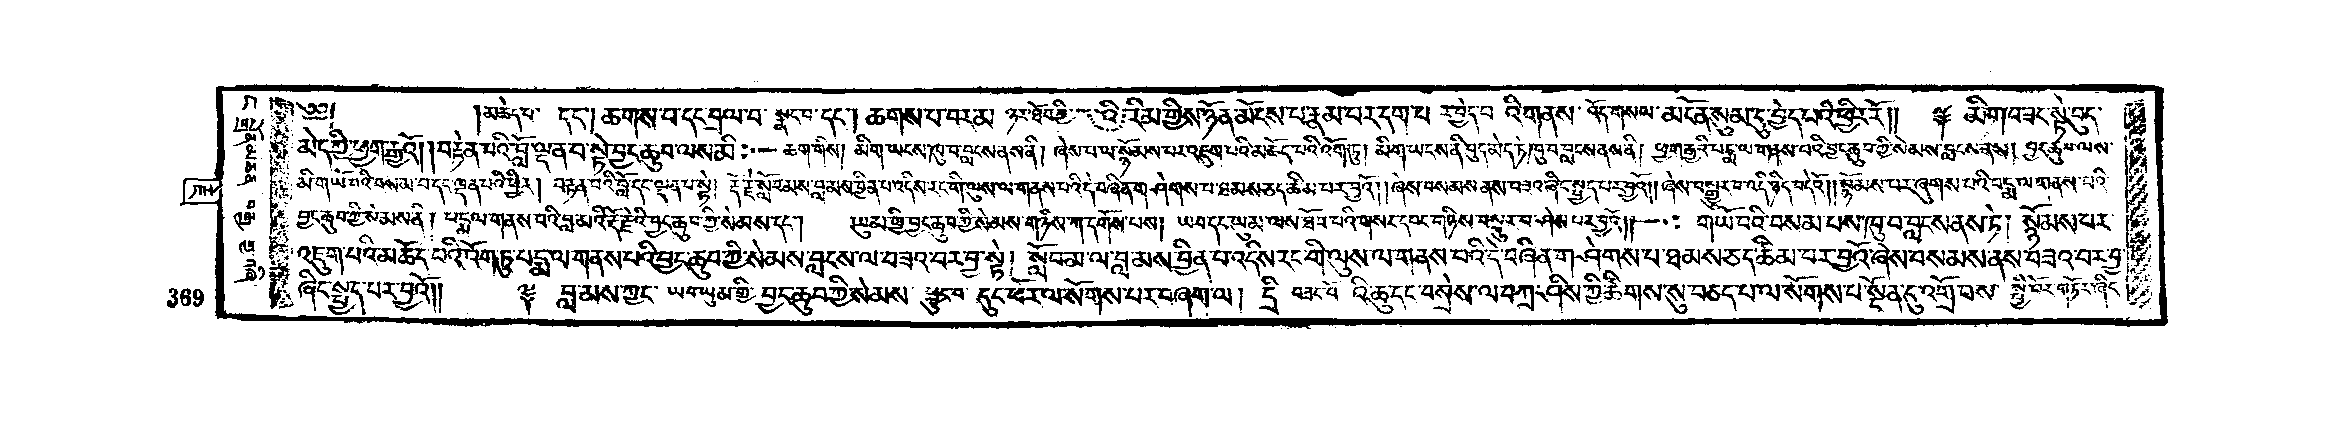༄༅། ། མཆེད་པ་དང་། ཆགས་པ་དང་བྲལ་བ་སྣང་བ་དང་། ཆགས་པ་བར་མ་ཉར་ཐོབ་ཀྱི་འི་རིམ་གྱིས་ཉོན་མོངས་པ་རྣམ་པར་དག་པར་བྱེད་པའི་གནས་འོད་གསལ་མངོན་སུམ་དུ་བྱེད་པའི་ཕྱིར་རོ།། ༈ མིག་བཟང་སྟེ་བུད་
མེད་ཀྱི་ཕྱག་རྒྱའོ། །བརྟན་པའི་བློ་ལྡན་པ་སྟེ་བྱང་ཆུབ་ལས་མིཿ་ཆག་གིས། མིག་ཡངས་ཁུ་བ་བླངས་ནས་ནི། ཞེས་པ་ལ་སྙོམས་པར་འཇུག་པའི་མཆོད་པའི་འོག་ཏུ། མིག་ཡངས་ནི་བུད་མེད་ཏེ་ཁུ་བ་བླངས་ནས་ནི། ཕྱག་རྒྱའི་པདམ་ལ་གནས་པའི་བྱང་ཆུབ་ཀྱི་སེམས་བླངས་ནས། བྱང་ཆུབ་ལས་
མི་གཡོ་བའི་བསམ་པ་དང་ལྡན་པའི་ཕྱིར། བརྟན་པའི་བློ་དང་ལྡན་པ་སྟེ། རྡོ་རྗེ་སློབ་མས་བླ་མས་བྱིན་པ་འདིས་རང་གི་ལུས་ལ་གནས་པའི་དེ་བཞིན་གཤེགས་པ་ཐམས་ཅད་ཚིམ་པར་བྱའོ། །ཞེས་བསམས་ནས་བཟའ་ཞིང་སྤྱད་པར་བྱའོ། །ཞེས་བསྒྱུར་བ་འདི་ཉིད་བདེའོ། །སྙོམས་པར་ཞུགས་པའི་པདམ་ལ་གནས་པའི་
བྱང་ཆུབ་ཀྱི་སེམས་ནི། པདམ་ལ་གནས་པའི་བླ་མའི་རྡོ་རྗེའི་བྱང་ཆུབ་ཀྱི་སེམས་དང་། ཡུམ་གྱི་བྱང་ཆུབ་ཀྱི་སེམས་གཉིས་ཀ་དགོས་པས། ཡབ་དང་ཡུམ་ལས་ཐོབ་པའི་གསང་དབང་གཉིས་བསྐུར་བ་ཤེས་པར་བྱའོ།།.H གཡོ་བའི་བསམ་པས་ཁུ་བ་བླངས་ནས་ཏེ། སྙོམས་པར་
འཇུག་པའི་མཆོད་པའི་འོག་ཏུ་པདམ་ལ་གནས་པའི་བྱང་ཆུབ་ཀྱི་སེམས་བླངས་ལ་བཟའ་བར་བྱ་སྟེ། སློབ་མ་ལ་བླ་མས་བྱིན་པ་འདིས་རང་གི་ལུས་ལ་གནས་པའི་དེ་བཞིན་གཤེགས་པ་ཐམས་ཅད་ཚིམ་པར་བྱའོ་ཞེས་བསམས་ནས་བཟའ་བར་བྱ་
ཞིང་སྤྱད་པར་བྱའོ།། ༈ བླ་མས་ཀྱང་ཡབ་ཡུམ་གྱི་བྱང་ཆུབ་ཀྱི་སེམས་ཕྱུང་བ་དུང་ཕོར་ལ་སོགས་པར་བཞག་ལ། དྲི་བཟང་པོའི་ཆུ་དང་བསྲེས་ལ་བཀྲ་ཤིས་ཀྱི་ཚིགས་སུ་བཅད་པ་ལ་སོགས་པ་སྔོན་དུ་འགྲོ་བས་སྤྱི་བོར་གཏོར་ཞིང་